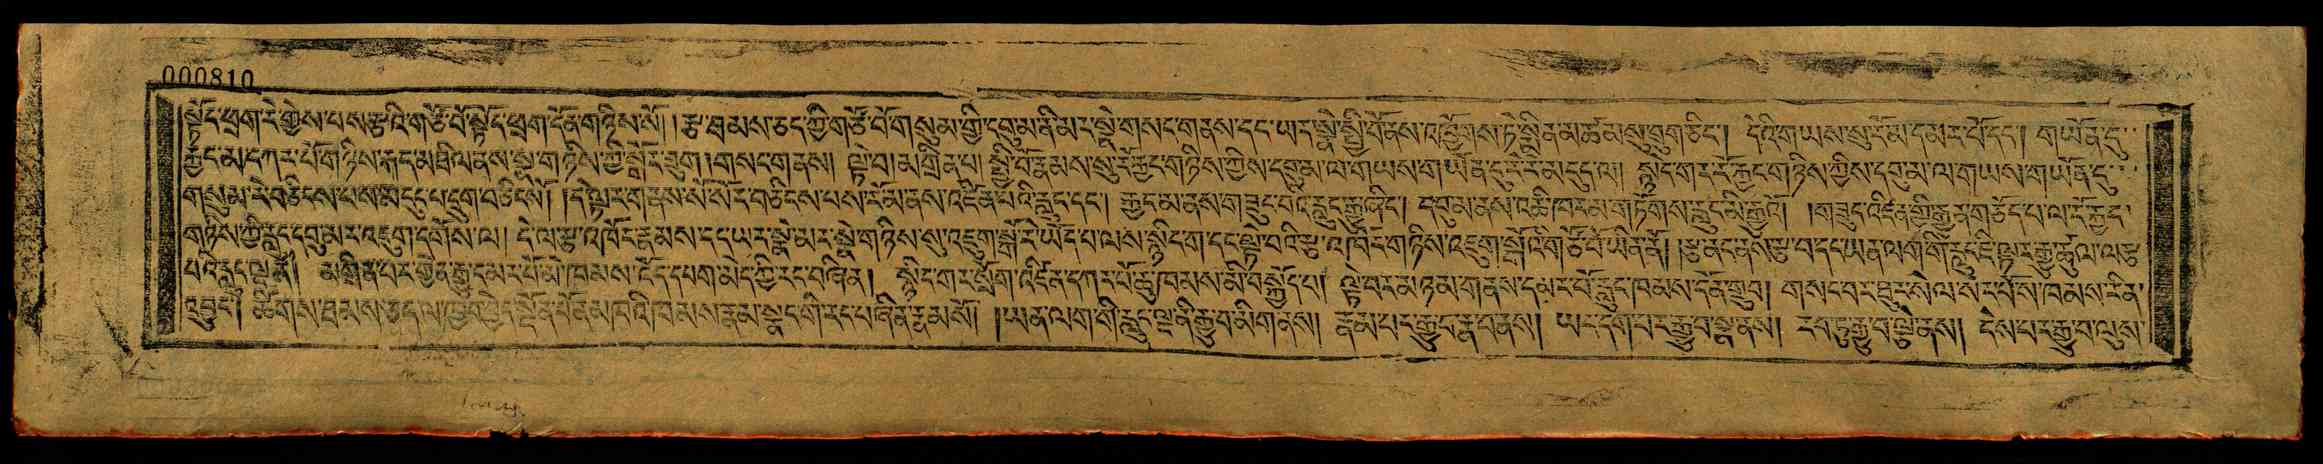སྟོང་ཕྲག་རེ་གྱེས་པས་རྩོའི་གཙོ་བོ་སྟོང་ཕྲག་དོན་གཉིས་སོ། །རྩ་ཐམས་ཅད་ཀྱི་གཙོ་བོ་གསུམ་གྱི་དབུ་མ་ནི་མར་སྣེ་གསང་གནས་དང་ཡར་སྣེ་སྤྱི་བོ་ནས་འཁྱོགས་ཏེ་སྨིན་མཚམས་སུ་ཟུག་ཅིང་། དེའི་གཡས་སུ་རོ་མ་དམར་པོ་དང་། གཡོན་དུ་
རྐྱང་མ་དཀར་པོ་གཉིས་རྐང་མཐིལ་ནས་སྣ་གཉིས་ཀྱི་སྒོར་ཟུག །གསང་གནས། ལྟེ་བ། མགྲིན་པ། སྤྱི་བོ་རྣམས་སུ་རོ་རྐྱང་གཉིས་ཀྱིས་དབུ་མ་ལ་གཡས་གཡོན་དུ་རེ་རེ་མདུད་ལ། སྙིང་གར་རོ་རྐྱང་གཉིས་ཀྱིས་དབུ་མ་ལ་གཡས་གཡོན་དུ་
གསུམ་རེ་བཅིངས་པས་མདུད་པ་དྲུག་བཅིངས་སོ། །དེ་ལྟར་གནས་སོ་སོར་བཅིངས་པས་རོ་མ་ནས་འཛིན་པའི་རླུང་དང་། རྐྱང་མ་ནས་གཟུང་བའི་རླུང་རྒྱུ་ཞིང་། དབུ་མ་ནས་འཆི་ཁར་མ་གཏོགས་རླུང་མི་རྒྱུའོ། །གཟུང་འཛིན་གྱི་རྒྱུན་གཅོད་པ་ལ་རོ་རྐྱང་
གཉིས་ཀྱི་རླུང་དབུ་མར་འཇུག་དགོས་ལ། དེ་ལ་རྩ་འཁོར་རྣམས་དང་ཡར་སྣེ་མར་སྣེ་གཉིས་སུ་འཇུག་སྒོ་རེ་ཡོད་པ་ལས་སྙིང་ག་དང་ལྟེ་བའི་རྩ་འཁར་གཉིས་འཇུག་སྒོའི་གཙོ་བོ་ཡིན་ནོ། །རྩ་ནང་ནས་རྩ་བ་དང་ཡན་ལག་གི་རླུང་ཇི་ལྟར་རྒྱུ་ཚུལ་ལ་རྩ་
བའི་རླུང་ལྡན། མགྲིན་པར་གྱེན་རྒྱུ་དམར་པོ་མེ་ཁམས་འོད་དཔག་མེད་ཀྱི་རང་བཞིན། སྙིང་གར་སྲོག་འཛིན་དཀར་པོ་ཆུ་ཁམས་མི་བསྐྱོད་པ། ལྟེ་བར་མཉམ་གནས་དམར་པོ་རླུང་ཁམས་དོན་གྲུབ། གསང་བར་ཐུར་སེལ་སེར་པོས་ཁམས་རིན་
འབྱུང་། ཚིགས་ཐམས་ཅད་ལ་ཁྱབ་བྱེད་སྔོན་པོ་ནམ་མཁའི་ཁམས་རྣམ་སྣང་གི་རང་བཞིན་རྣམས་སོ། །ཡན་ལག་གི་རླུང་ལྔ་ནི་རྒྱུ་བ་མིག་ནས། རྣམ་པར་རྒྱུ་བ་རྣ་བ་ནས། ཡང་དག་པར་རྒྱུ་བ་སྣ་ནས། རབ་ཏུ་རྒྱུ་བ་ལྕེ་ནས། ངེས་པར་རྒྱུ་བ་ལུས་